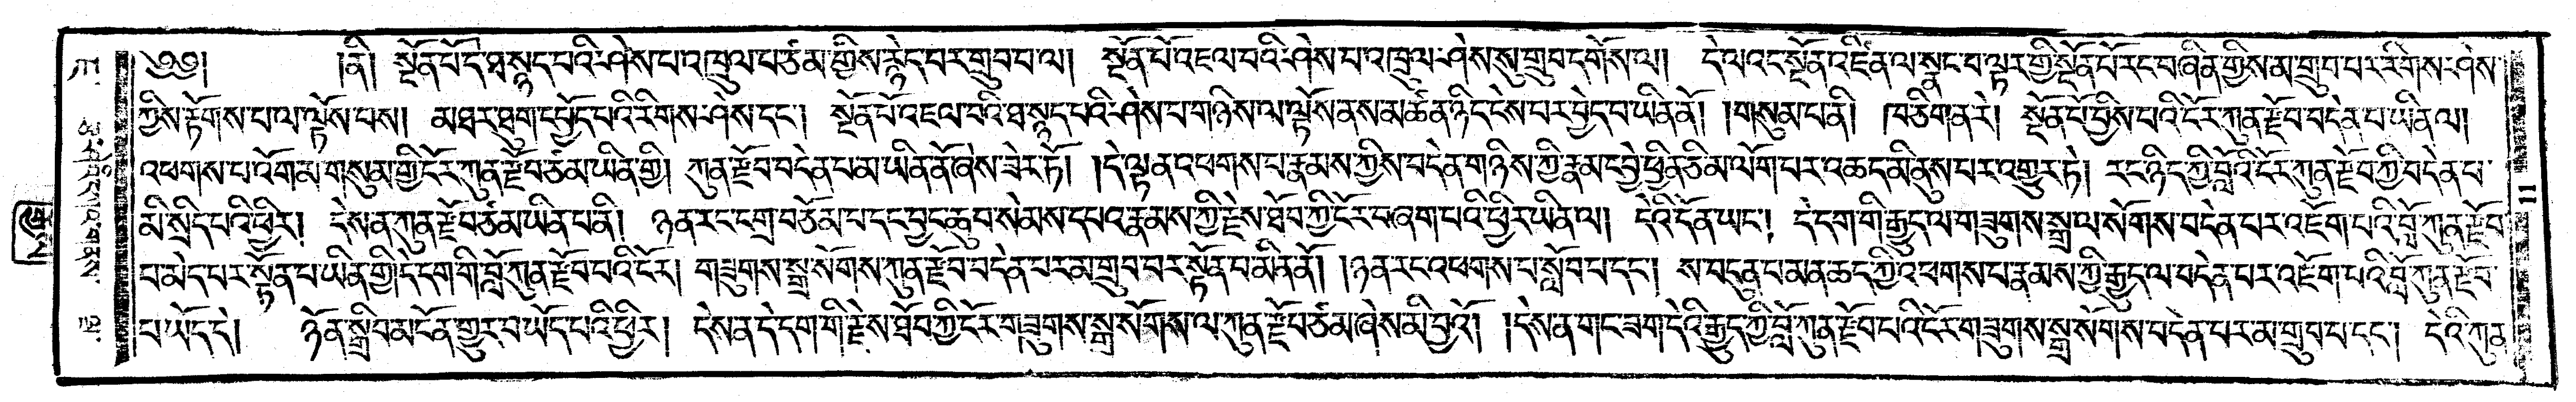༄༅། །ནི། སྔོན་པོ་དེ་ཐ་སྙད་པའི་ཤེས་པ་འཁྲུལ་པ་ཙམ་གྱིས་རྙེད་པར་གྲུབ་པ་ལ། སྔོན་པོ་འཇལ་བའི་ཤེས་པ་འཁྲུལ་ཤེས་སུ་གྲུབ་དགོས་ལ། དེ་ལའང་སྔོན་འཛིན་ལ་སྣང་བ་ལྟར་གྱི་སྔོན་པོ་རང་བཞིན་གྱིས་མ་གྲུབ་པར་རིགས་ཤེས་
ཀྱིས་རྟོགས་པ་ལ་ལྟོས་པས། མཐར་ཐུག་དཔྱོད་པའི་རིགས་ཤེས་དང་། སྔོན་པོ་འཇལ་བའི་ཐ་སྙད་པའི་ཤེས་པ་གཉིས་ལ་ལྟོས་ནས་མཚན་ཉིད་ངེས་པར་བྱེད་པ་ཡིན་ནོ། །གསུམ་པ་ནི། ཁ་ཅིག་ན་རེ། སྔོན་པོ་བྱིས་པའི་ངོར་ཀུན་རྫོབ་བདེན་པ་ཡིན་ལ།
འཕགས་པ་འོག་མ་གསུམ་གྱི་ངོར་ཀུན་རྫོབ་ཙམ་ཡིན་གྱི། ཀུན་རྫོབ་བདེན་པ་མ་ཡིན་ནོ་ཞེས་ཟེར་ཏོ། །དེ་ལྟ་ན་འཕགས་པ་རྣམས་ཀྱིས་བདེན་གཉིས་ཀྱི་རྣམ་དབྱེ་ཕྱིན་ཅི་མ་ལོག་པར་འཆད་མི་ནུས་པར་འགྱུར་ཏེ། རང་ཉིད་ཀྱི་བློའི་ངོར་ཀུན་རྫོབ་ཀྱི་བདེན་པ་
མི་སྲིད་པའི་ཕྱིར། དེས་ན་ཀུན་རྫོབ་ཙམ་ཡིན་པ་ནི། ཉན་རང་དགྲ་བཅོམ་པ་དང་བྱང་ཆུབ་སེམས་དཔའ་རྣམས་ཀྱི་རྗེས་ཐོབ་ཀྱི་ངོར་བཞག་པའི་ཕྱིར་ཡིན་ལ། དེའི་དོན་ཡང་། དེ་དག་གི་རྒྱུད་ལ་གཟུགས་སྒྲ་ལ་སོགས་བདེན་པར་འཇོག་པའི་བློ་ཀུན་རྫོབ་
པ་མེད་པར་སྟོན་པ་ཡིན་གྱི། དེ་དག་གི་བློ་ཀུན་རྫོབ་པའི་ངོར། གཟུགས་སྒྲ་སོགས་ཀུན་རྫོབ་བདེན་པར་མ་གྲུབ་པར་སྟོན་པ་མིན་ནོ། །ཉན་རང་འཕགས་པ་སློབ་པ་དང་། ས་བདུན་པ་མན་ཆད་ཀྱི་འཕགས་པ་རྣམས་ཀྱི་རྒྱུད་ལ་བདེན་པར་འཇོག་པའི་བློ་ཀུན་རྫོབ་
པ་ཡོད་དེ། ཉོན་སྒྲིབ་མངོན་གྱུར་པ་ཡོད་པའི་ཕྱིར། དེས་ན་དེ་དག་གི་རྗེས་ཐོབ་ཀྱི་ངོར་གཟུགས་སྒྲ་སོགས་ལ་ཀུན་རྫོབ་ཙམ་ཞེས་མི་བྱའོ། །དེས་ན་གང་ཟག་དེའི་རྒྱུད་ཀྱི་བློ་ཀུན་རྫོབ་པའི་ངོར་གཟུགས་སྒྲ་སོགས་བདེན་པར་མ་གྲུབ་པ་དང་། དེའི་ཀུན་